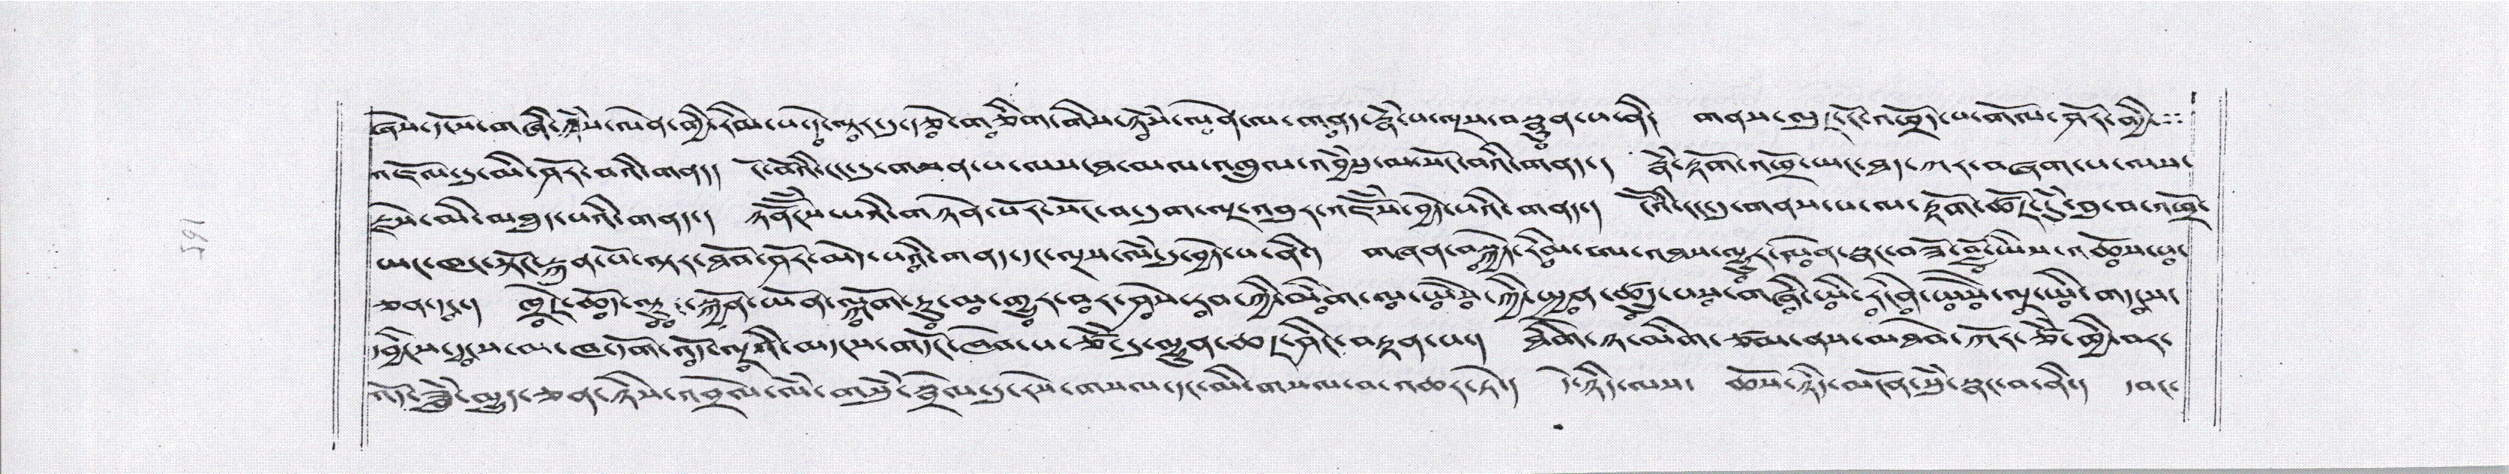ཞེས་དངོིས་གཞི་ཉམས་ལེན་གྱི་རིམ་པ་དེ་ལྟར་དུ་རྩེ་གཅིག་གིས་ཉམས་ལེན་ལ་གནད་རྣམ་པ་ལྔས་བསྣུན་པ་ནི། གནས་ལུགས་ངོ་འཕྲོད་པ་གོལ་ཤོར་གྱིས་
འཛོལ་དུ་མི་ཤོར་བའི་གནད། ངོ་བོའི་ངང་དུ་གསན་པ་ལས་ཐ་མལ་འཁྲུལ་འབྱམས་སུ་མ་སོང་བའི་གནད། རྣམ་རྟོག་འཕྲོ་ཡང་ཐད་ཀར་བཞག་པ་ལས་
རྗེས་མི་མཐུད་པའི་གནད། ཉོན་མོངས་པའི་གཉེན་པོར་སོང་བ་དུག་ལྔ་འབུར་འཇོམས་བྱེད་པའི་གནད། ངོ་བོའི་ངང་དུ་གནས་པ་ལ་རྟོག་ཚོགས་དུམ་བུ་འཕྲོ་
ཡང་ཁང་སྟོང་རྐུན་པོ་ལྟར་ཐོབ་ཤོར་མེད་པའི་གནད་དང་ལྔས་ལམ་དུ་བྱེད་པ་ནི། གཞན་བསྐྱེད་རིམ་ཨ་འཐས་ལྷུར་ལེན་སྣང་བཟོ་བློ་ཡིས་འཆོས་པ་
ཅན་དང་། ཁྲེག་ཆོད་ལྟ་བུར་སྐྱོན་ཡོན་ལྐོག་ཏུ་མ་གྱུར་བར་ཤེས་རབ་ཀྱི་མིག་ལ་ཡེ་ཤེས་ཀྱི་སྤྱན་ཚུད་པས་གཞི་ཡི་རང་བཞིན་ཡེ་ཤེས་ལྔ་ཡི་གདངས་
དབྱིངས་དྭངས་ལ་ཁ་དོིག་འོད་ལྔའི་མདངས་གདོང་ཁེབ་པ་ཙམ་དུ་ལྷུན་ཆགས་ཤིང་བརྟན་པ། ཐིག་ལེ་ཉ་མིག་ཙམ་ནས་ནས་མཐེབ་ཀོར་ཙམ་གྱི་བར་
འོད་ཟླུམ་མུ་ཁྱུད་ཅན་ཉིས་སྦྲེལ་ལམ་སུམ་སྦྲེལ་དུ་རེས་གསལ་དང་མི་གསལ་བར་འཆར་ཏེ། དེ་ཉིད་ལས། ཆོས་ཉིད་མངོན་སུམ་སྣང་བ་ནི། དབང་